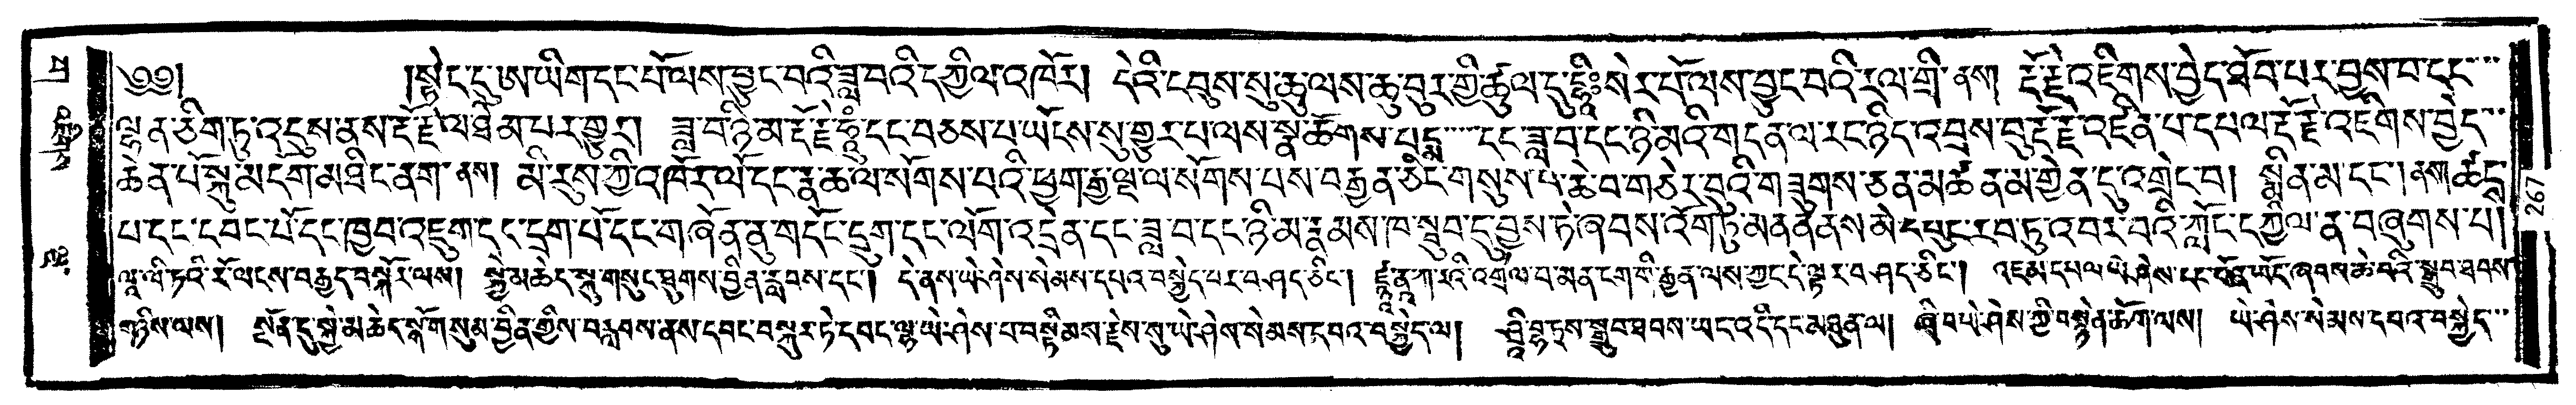༄༅། །སྟེང་དུ་ཨ་ཡིག་དང་པོ་ལས་བྱུང་བའི་ཟླ་བའི་དཀྱིལ་འཁོར། དེའི་དབུས་སུ་ཆུ་ལས་ཆུ་བུར་གྱི་ཚུལ་དུ་དྷཱིཿསེར་པོ་ལས་བྱུང་བའི་རལ་གྲི་ནས། རྡོ་རྗེ་འཇིགས་བྱེད་ཐོབ་པར་བྱས་པ་དང་
ལྷན་ཅིག་ཏུ་འདུས་ནས་རྡོ་རྗེ་ལ་ཐིམ་པར་གྱུར། ཟླ་བ་ཉི་མ་རྡོ་རྗེ་ཧཱུཾ་དང་བཅས་པ་ཡོངས་སུ་གྱུར་པ་ལས་སྣ་ཚོགས་པདམ་དང་ཟླ་བ་དང་ཉི་མའི་གདན་ལ་རང་ཉིད་འབྲས་བུ་རྡོ་རྗེ་འཛིན་པ་དཔལ་རྡོ་རྗེ་འཇིགས་བྱེད་
ཆེན་པོ་སྐུ་མདོག་མཐིང་ནག་ནས། མི་རུས་ཀྱི་འཁོར་ལོ་དང་རྣ་ཆ་ལ་སོགས་པའི་ཕྱག་རྒྱ་ལྔ་ལ་སོགས་པས་བརྒྱན་ཅིང་གསུས་པ་ཆེ་བ་གཅེར་བུའི་གཟུགས་ཅན་མཚན་མ་གྱེན་དུ་འགྲེང་བ། སྨིན་མ་དང་། ནས། ཚངས་
པ་དང་དབང་པོ་དང་ཁྱབ་འཇུག་དང་དྲག་པོ་དང་གཞོན་ནུ་གདོང་དྲུག་དང་ལོག་འདྲེན་དང་ཟླ་བ་དང་ཉི་མ་རྣམས་ཁ་སྦུབ་དུ་བྱས་ཏེ་ཞབས་འོག་ཏུ་མནན་ནས་མེ་དཔུང་རབ་ཏུ་འབར་བའི་ཀློང་དཀྱིལ་ན་བཞུགས་པ།
ལཱ་ལི་ཏའི་རོ་ལངས་བརྒྱད་བསྐོར་ལས། སྐྱེ་མཆེད་སྐུ་གསུང་ཐུགས་བྱིན་རླབས་དང་། དེ་ནས་ཡེ་ཤེས་སེམས་དཔའ་བསྐྱེད་པར་བཤད་ཅིང་། ཛྙཱ་ནཱ་ཀ་རའི་འགྲེལ་བ་མན་ངག་གི་རྒྱན་ལས་ཀྱང་དེ་ལྟར་བཤད་ཅིང་། འཇམ་དཔལ་ཡེ་ཤེས་དང་ཡོན?་ཡོད་ཞབས་ཆེ་བའི་སྒྲུབ་ཐབས་
གཉིས་ལས། སྔོན་དུ་སྐྱེ་མཆེད་སྒོ་གསུམ་བྱིན་གྱིས་བརླབས་ནས་དབང་བསྐུར་ཏེ་དབང་ལྷ་ཡེ་ཤེས་པ་བསྟིམས་རྗེས་སུ་ཡེ་ཤེས་སེམས་དཔའ་བསྐྱེད་ལ། ཤྲཱི་བྷ་ཏྲས་སྒྲུབ་ཐབས་ཡང་འདི་དང་མཐུན་ལ། ཞི་བ་ཡེ་ཤེས་ཀྱི་བསྙེན་ཆོག་ལས། ཡེ་ཤེས་སེམས་དཔའ་བསྐྱེད་